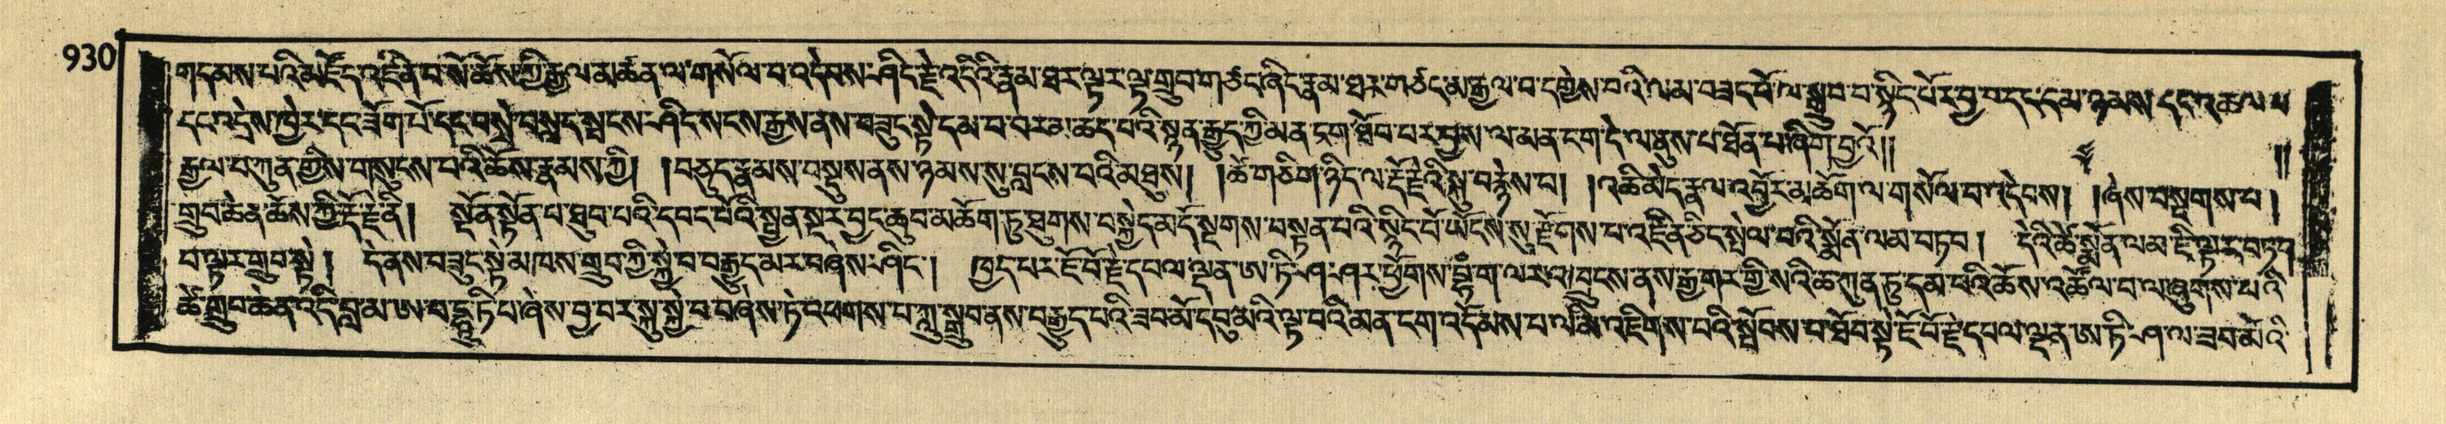གདམས་པའི་མཛོད་འཛིན་བ་སོ་ཆོས་ཀྱི་རྒྱལ་མཚན་ལ་གསོལ་བ་འདེབས་ཤིང་རྗེ་འདིའི་རྣམ་ཐར་ལྟར་ལྟ་གྲུབ་གཙང་ཞིང་རྣམ་ཐར་གཙང་མ་རྒྱལ་བ་དགྱེས་བའི་ལམ་བཟང་པོ་ལ་སྒྲུབ་བ་སྙིང་པོར་བྱ་བ་དང་དམ་ཉམས་དང་འཆལ་པ་
དང་འདྲེས་ཁྱེར་དང་ཟོག་པོ་དང་བསྲེ་བསླད་སྤངས་ཤིང་སངས་རྒྱས་ནས་བཟུང་སྟེ་དམ་པ་བར་མ་ཆད་པའི་སྙན་རྒྱུད་ཀྱི་མན་ངག་ཐོབ་པར་བྱས་ལ་མན་ངག་དེ་ལ་ནུས་པ་ཐོན་པ་ཞིག་བྱའོ།། ༈ །།
རྒྱལ་བ་ཀུན་གྱིས་གསུངས་པའི་ཆོས་རྣམས་ཀྱི། །བཅུད་རྣམས་བསྡུས་ནས་ཉམས་སུ་བླངས་པའི་མཐུས། །ཚེ་གཅིག་ཉིད་ལ་རྡོ་རྗེའི་སྐུ་བརྙེས་པ། །འཆི་མེད་རྣལ་འབྱོར་མཆོག་ལ་གསོལ་བ་འདེབས། །ཞེས་བསྔགས་པ།
གྲུབ་ཆེན་ཆོས་ཀྱི་རྡོ་རྗེ་ནི། སྔོན་སྟོན་པ་ཐུབ་པའི་དབང་པོའི་སྤྱན་སྔར་བྱང་ཆུབ་མཆོག་ཏུ་ཐུགས་བསྐྱེད་མདོ་སྔགས་བསྟན་པའི་སྙིང་པོ་ཡོངས་སུ་རྫོགས་པ་འཛིན་ཅིང་སྤེལ་བའི་སྨོན་ལམ་བཏབ། དེའི་ཚེ་སྨོན་ལམ་ཇི་ལྟར་བཏབ།
བ་ལྟར་གྲུབ་སྟེ། དེ་ནས་བཟུང་སྟེ་མཁས་གྲུབ་ཀྱི་སྐྱེ་བ་བརྒྱུད་མར་བཞེས་ཤིང་། ཁྱད་པར་ཇོ་བོ་རྗེ་དཔལ་ལྡན་ཨ་ཏི་ཤ་ཤར་ཕྱོགས་བྷཾ་ག་ལར་འཁྲུངས་ནས་རྒྱ་གར་གྱི་སའི་ཆ་ཀུན་ཏུ་དམ་པའི་ཆོས་འཚོལ་བ་ལ་ཞུགས་པའི་
ཚེ་གྲུབ་ཆེན་འདི་བླ་མ་ཨ་བ་དྷཱུ་ཏི་པ་ཞེས་བྱ་བར་སྐུ་སྐྱེ་བ་བཞེས་ཏེ་འཕགས་པ་ཀླུ་སྒྲུབ་ནས་བརྒྱུད་པའི་ཟབ་མོ་དབུ་མའི་ལྟ་བའི་མན་ངག་འདོམས་པ་ལ་མི་འཇིགས་པའི་སྤོབས་པ་ཐོབ་སྟེ་ཇོ་བོ་རྗེ་དཔལ་ལྡན་ཨ་ཏི་ཤ་ལ་ཟབ་མོའི་